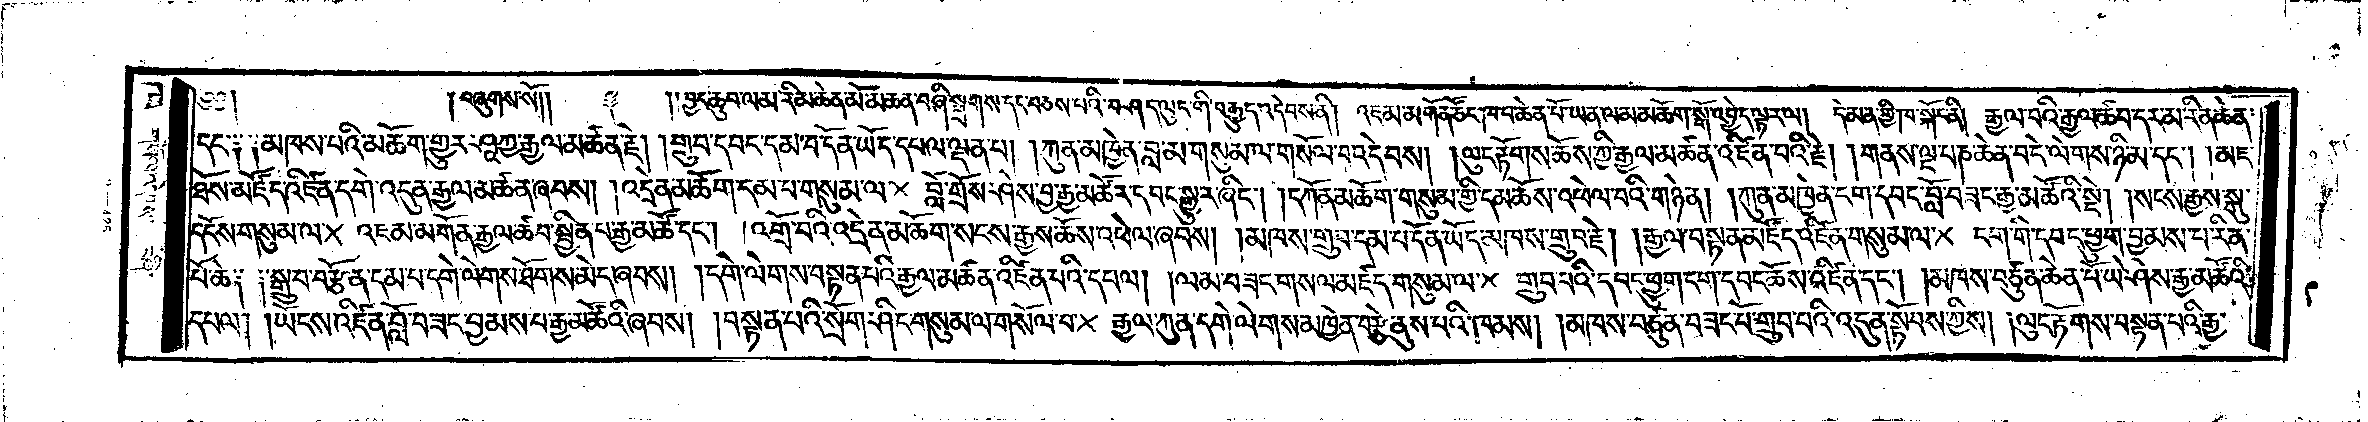༄༅། །བཞུགས་སོ།། ༈ །།བྱང་ཆུབ་ལམ་རིམ་ཆེན་མོ་མཆན་བཞི་སྦྲགས་དང་བཅས་པའི་བཤད་ལུང་གི་བརྒྱུད་འདེབས་ནི། འཇམ་མགོན་ཙོང་ཁ་པ་ཆེན་པོ་ཡན་ལམ་མཆོག་སྒོ་འབྱེད་ལྟར་ལ། དེ་མན་གྱི་ཁ་སྐོང་ནི།  རྒྱལ་བའི་རྒྱལ་ཚབ་དར་མ་རིན་ཆེན་
དང༑ ༑མཁས་པའི་མཆོག་གྱུར་ཤཱཀྱ་རྒྱལ་མཚན་རྗེ། །གྲུབ་དབང་དམ་བ་དོན་ཡོད་དཔལ་ལྡན་པ། །ཀུན་མཁྱེན་བླ་མ་གསུམ་ལ་གསོལ་བ་འདེབས། །ལུང་རྟོགས་ཆོས་ཀྱི་རྒྱལ་མཚན་འཛིན་པའི་རྗེ། །གནས་ལྔ་པཎ་ཆེན་བདེ་ལེགས་ཉི་མ་དང་། །མཇ་
ཐོས་མཛོད་འཛིན་དགེ་འདུན་རྒྱལ་མཚན་ཞབས། །འདྲེན་མཆོག་དམ་པ་གསུམ་ལ་྾་བློ་གྲོས་ཤེས་བྱ་རྒྱ་མཚོར་དབང་སྒྱུར་ཞིང་། །དཀོན་མཆོག་གསུམ་གྱི་དམ་ཆོས་འཕེལ་བའི་གཉེན། །ཀུན་མཁྱེན་ངག་དབང་བློ་བཟང་རྒྱ་མཚོའི་སྡེ། །སྔགས་རྒྱས་སྐུ་
དངོས་གསུམ་ལ་྾་འཇམ་མགོན་རྒྱལ་ཚབ་སྦྱིན་པ་རྒྱ་མཚོ་དང་། །འགྲོ་བའི་འདྲེན་མཆོག་སངས་རྒྱས་ཆོས་འཕེལ་ཞབས། །མཁས་གྲུབ་དམ་པ་དོན་ཡོད་མཁས་གྲུབ་རྗེ། །རྒྱལ་བསྟན་མཛོད་འཛིན་གསུམ་ལ་྾་ངག་གི་དབང་ཕྱུག་བྱམས་པ་རིན་
པོ་ཆེ༑ ༑སྒྲུབ་བརྩོན་དམ་པ་དགེ་ལེགས་ཐོགས་མེད་ཞབས། །དགེ་ལེགས་བསྟན་པའི་རྒྱལ་མཚན་འཛིན་པའི་དཔལ། །ལམ་བཟང་གསལ་མཛད་གསུམ་ལ་྾་གྲུབ་པའི་དབང་ཕྱུག་ངག་དབང་ཆོས་འཛིན་དང་། །མཁས་བཙུན་ཆེན་པོ་ཡེ་ཤེས་རྒྱ་མཚོའི་
དཔལ། །ཡོངས་འཛིན་བློ་བཟང་བྱམས་པ་རྒྱ་མཚོའི་ཞབས། །བསྟན་པའི་སྲོག་ཤིང་གསུམ་ལ་གསོལ་བ་྾་རྒྱལ་ཀུན་དགེ་ལེགས་མཁྱེན་བརྩེ་ནུས་པའི་ཁམས། །མཁས་བཙུན་བཟང་པོ་གྲུབ་པའི་འདུན་སྟོབས་ཀྱིས། །ལུང་རྟོགས་བསྟན་པའི་རྒྱ་